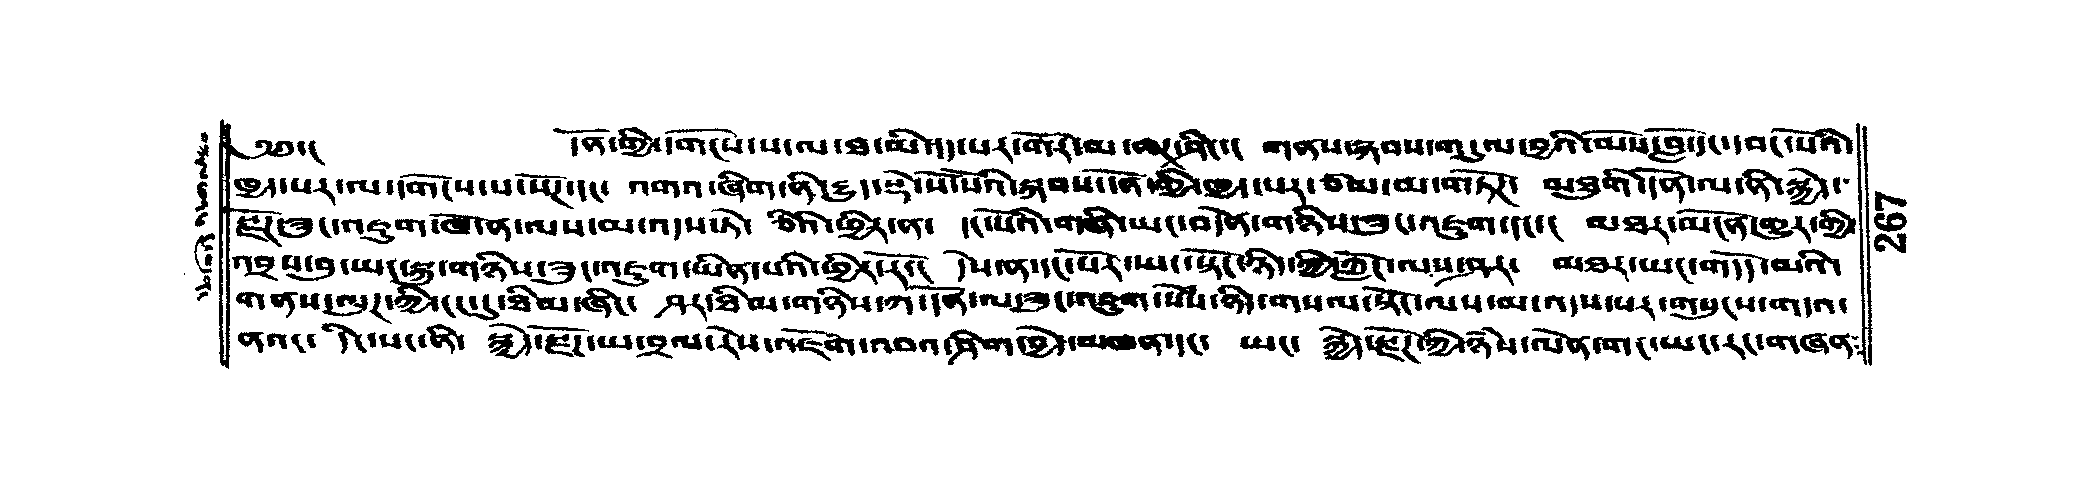དོན་གྱི་དགོངས་པ་ལ་ཐ་མི་དད་པར་གོར་མ་ཆགས་ཤིང་། གནས་སྐབས་གདུལ་བྱའི་མོས་བློ་དང་དབང་པོའི་
ཁྱད་པར་ལ་དགོངས་པ་སོགས་དང་། འགའ་ཞིག་ནི་རྒྱུད་སྡེ་སོ་སོའི་སྐབས་དོན་གྱི་ཁྱད་པར་ཙམ་མ་གཏོགས།མཐར་ཐུག་གི་དོན་ལ་ནི་བསྐྱེད་
རྫོགས་ཟུང་འཇུག་ཁོ་ན་ལས་མ་འདས་ཏེ། ཅིའི་ཕྱིར་ན། དང་པོའི་གཞི་ཡང་བདེན་གཉིས་ཟུང་འཇུག་དང་། མཐར་མངོན་གྱུར་གྱི་
འབྲས་བུ་ཡང་སྐུ་གཉིས་ཟུང་འཇུག་ཡིན་པའི་ཕྱིར་རོ། དེས་ན་དང་པོར་ཡང་སྟོང་ཉིད་ཀྱི་ཀློང་ལས་ཤར། མཐར་ཡང་གདོད་མའི་
གནས་ལུགས་ཀྱི་ངང་དུ་ཐིམ་ཞིང་། ཤར་ཐིམ་གཉིས་ཀ་དོན་ལ་ཟུང་འཇུག་སེམས་ཉིད་གསལ་སྟོང་ལས་མ་འདས་པར་གསུངས་གདའ་
ནའང་། དིང་སང་ནི། བསྐྱེད་རྫོགས་ཡ་བྲལ་རེས་འཇོག་འབའ་ཤིག་བྱེད་མཁན་དང་། ཡང་། བསྐྱེད་རྫོགས་ཀྱི་ཉམས་ལེན་གང་ཡང་རང་གཞན་